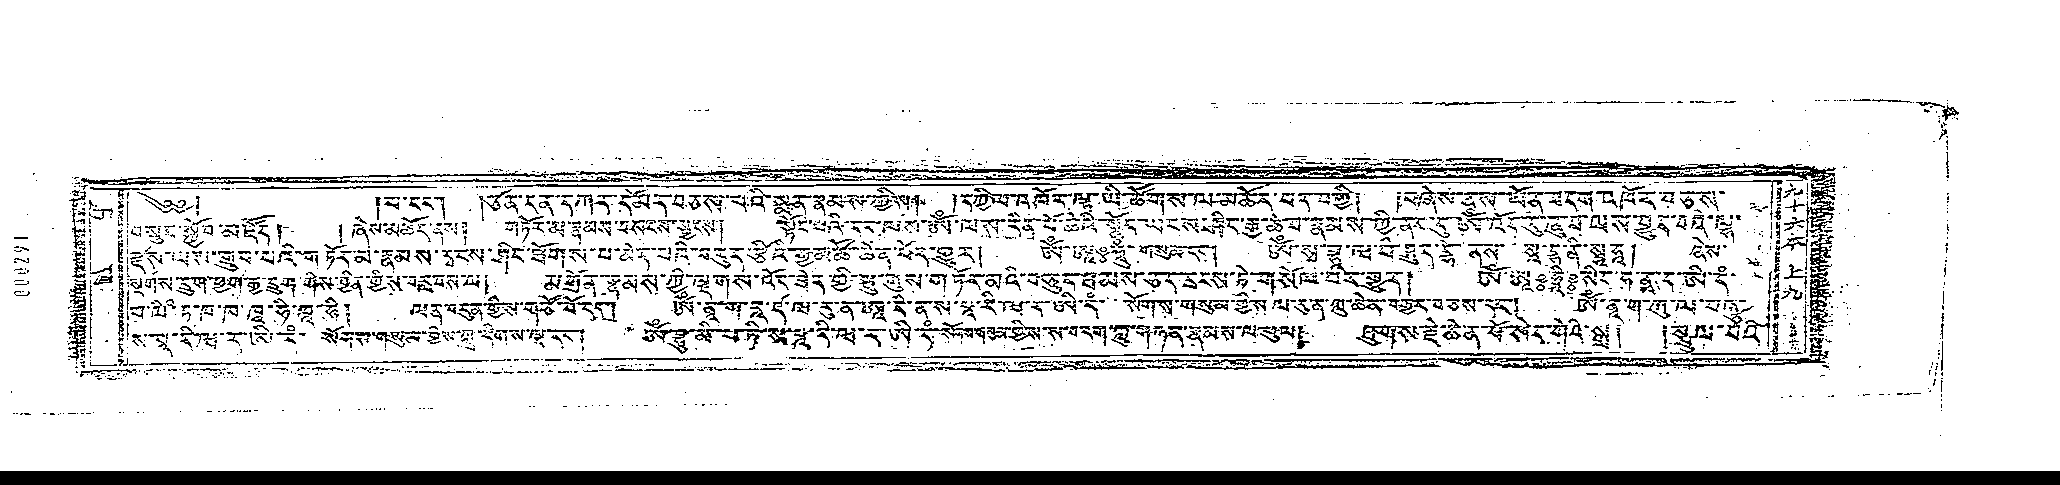༄༅། །བ་དང་། །ཙན་དན་དཀར་དམར་བཅས་བའི་སྨན་རྣམས་ཀྱིས། །དཀྱིལ་འཁོར་ལྷ་ཡི་ཚོགས་ལ་མཆོད་པར་བགྱི། །བཞེས་ནས་ཡོན་བདག་འཁོར་བཅས་
བསྲུང་སྐྱོབ་མཛོད། །ཞེས་མཆོད་ནས། གཏོར་མ་རྣམས་བསངས་སྦྱངས། སྟོང་པའི་ངང་ལས་ཨོཾ་ལས་རིན་པོ་ཆེའི་སྣོད་ཡངས་ཤིང་རྒྱ་ཆེ་བ་རྣམས་ཀྱི་ནང་དུ་ཨོཾ་འོད་དུ་ཞུ་བ་ལས་བྱུང་བའི་ལྷ་
རྫས་ལས་གྲུབ་པའི་གཏོར་མ་རྣམས་དྭངས་ཤིང་ཐོགས་པ་མེད་པའི་བདུད་རྩིའི་རྒྱ་མཚོ་ཆེན་པོར་གྱུར། ཨོཾ་ཨཱཿ་ཧཱུཾ་གསུམ་དང་། ཨོཾ་སྭ་བྷཱ་ཝ་པི་ཤུད་དྷི་ནས་སཱ་དྷ་ནི་སྭཱཧཱ། ཞེས་
སྔགས་དྲུག་ཕྱག་རྒྱ་དྲུག་གིས་བྱིན་གྱིས་བརླབས་ལ། མགྲོན་རྣམས་ཀྱི་ལྗགས་འོད་ཟེར་གྱི་སྤུ་གུས་གཏོར་མའི་བཅུད་ཐམས་ཅད་དྲངས་ཏེ་གསོལ་པར་གྱུར། ཨོཾ་ཨཱཿ་ཧཱིཿ་སྲིད་ཧ་ནཱ་ད་ཨི་དཾ་
པ་ལིཾ་ཏ་ཁ་ཁ་ཁཱ་ཧི་ཁཱ་ཧི། ལན་བདུན་གྱིས་གཙོ་བོ་དང་། ཨོཾ་ནཱ་ག་རཱ་ཛ་ཝ་རུ་ན་ཨཱ་དི་ན་ས་བཱ་རི་ཝ་ར་ཨི་དཾ། སོགས་གསུམ་གྱིས་ལྭ་རུ་ན་ཀླུ་ཆེན་བརྒྱད་བཅས་དང་། ཨོཾ་ནཱ་ག་ཀུ་ལ་པཉྩ་
ས་པཱ་རི་ཝ་ར་ཨི་དཾ་སོགས་གསུམ་གྱིས་ཀླུ་རིགས་ལྡ་དང་། ཨོཾ་བྷུ་མི་པ་ཏི་ས་པཱ་རི་ཝ་ར་ཨི་དཾ་སོགས་གསུམ་གྱིས་ས་བདག་ཀླུ་གཉན་རྣམས་ལ་ཕུལ། ཐུགས་རྗེ་ཆེན་པོ་སེང་གེའི་སྒྲ། སྤྲུལ་པའི་